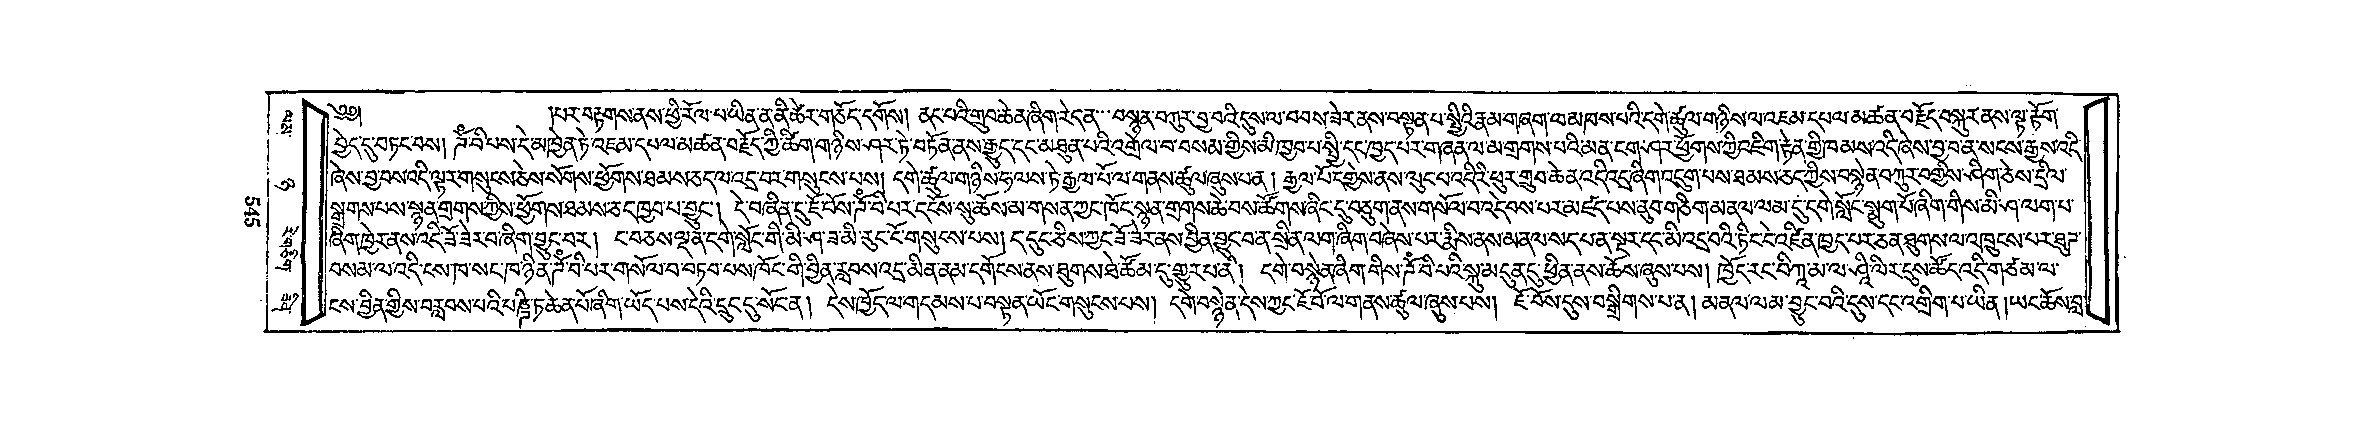༄༅། །པར་བརྟགས་ནས་ཕྱི་རོལ་པ་ཡིན་ན་ནི་ཚེར་གཅོད་དགོས། ནང་པའི་གྲུབ་ཆེན་ཞིག་རེད་ན་བསྙན་བཀུར་བྱ་བའི་དུས་ལ་བབས་ཟེར་ནས་བསྟན་པ་སྤྱིའི་རྣམ་གཞག་ལ་མཁས་པའི་དགེ་ཚུལ་གཉིས་ལ་འཇམ་དཔལ་མཚན་བརྗོད་བསྐུར་ནས་ལྟ་རྟོག་
བྱེད་དུ་བཏང་བས། ཌོཾ་བི་པས་དེ་མཁྱེན་ཏེ་འཇམ་དཔལ་མཚན་བརྗོད་ཀྱི་ཚིག་གཉིས་ཤར་ཏེ་བཏོན་ནས་རྒྱུད་དང་མཐུན་པའི་འགྲེལ་བ་བསམ་གྱིས་མི་ཁྱབ་པ་སྤྱི་དང་ཁྱད་པར་གཞན་ལ་མ་གྲགས་པའི་མན་ངག་ཤར་ཕྱོགས་ཀྱི་འཇིག་རྟེན་གྱི་ཁམས་འདི་ཞེས་བྱ་བ་ན་སངས་རྒྱས་འདི་
ཞེས་བྱ་བས་འདི་ལྟར་གསུངས་ཅེས་སོགས་ཕྱོགས་ཐམས་ཅད་ལ་འདྲ་བར་གསུངས་པས། དགེ་ཚུལ་གཉིས་ཧ་ལས་ཏེ་རྒྱལ་པོ་ལ་གནས་ཚུལ་ཞུས་པ་ན། རྒྱལ་པོ་དགྱེས་ནས་ལུང་པ་འདིའི་ཕུར་གྲུབ་ཆེན་འདི་འདྲ་ཞིག་འདུག་པས་ཐམས་ཅད་ཀྱིས་བསྙེན་བཀུར་བགྱིས་ཤིག་ཅེས་དྲིལ་
སྒྲགས་པས་སྙན་གྲགས་ཀྱིས་ཕྱོགས་ཐམས་ཅད་ཁྱབ་པ་བྱུང་། དེ་བཞིན་དུ་ཇོ་བོས་ཌོཾ་བི་པར་དངོས་སུ་ཆོས་མ་གསན་ཀྱང་ཁོང་སྙན་གྲགས་ཆེ་བས་ཚོགས་ཞིང་དུ་བཅུག་ནས་གསོལ་བ་འདེབས་པར་མཛད་པས་ནུབ་གཅིག་མནལ་ལམ་དུ་དགེ་སློང་སྨུག་པོ་ཞིག་གིས་མི་ཤ་ལག་པ་
ཞིག་ཁྱེར་ནས་འདི་ཟོ་ཟེར་བ་ཞིག་བྱུང་བར། ང་བཅས་ལྡན་དགེ་སློང་གི་མི་ཤ་ཟ་མི་རུང་ངོ་གསུངས་པས། ད་དུང་ཅིས་ཀྱང་ཟོ་ཟེར་ནས་བྱིན་བྱུང་བ་ན་སྲིན་ལག་ཞིག་བཞེས་པར་རྨིས་ནས་མནལ་སད་པ་ན་སྔར་དང་མི་འདྲ་བའི་ཏིང་ངེ་འཛིན་ཁྱད་པར་ཅན་ཐུགས་ལ་འཁྲུངས་པར་ཐུགས་
བསམ་ལ་འདི་ངས་ཁ་སང་ཁ་ཉིན་ཌོཾ་བི་པར་གསོལ་བ་བཏབ་པས་ཁོང་གི་བྱིན་རླབས་འདྲ་མིན་ནམ་དགོངས་ནས་ཐུགས་ཐེ་ཚོམ་དུ་གྱུར་པ་ནི། དགེ་བསྙེན་ཞིག་གིས་ཌོཾ་བི་པའི་སྐུ་མདུན་དུ་ཕྱིན་ནས་ཆོས་ཞུས་པས། ཁྱོད་རང་བིཀཱ་མ་ལ་ཤཱི་ལིར་དུས་ཚོད་འདི་གཙམ་ལ་
ངས་བྱིན་གྱིས་བརླབས་པའི་པཎྜི་ཏ་ཆེན་པོ་ཞིག་ཡོད་པས་དེའི་དྲུང་དུ་སོང་ན། དེས་ཁྱོད་ལ་གདམས་པ་བསྟན་ཡོང་གསུངས་པས། དགེ་བསྙེན་དེས་ཀྱང་ཇོ་བོ་ལ་གནས་ཚུལ་ཞུས་པས། ཇོ་བོས་དུས་བསྒྲིགས་པ་ན། མནལ་ལམ་བྱུང་བའི་དུས་དང་འགྲིག་པ་ཡིན། ཡང་ཆོས་བླ་